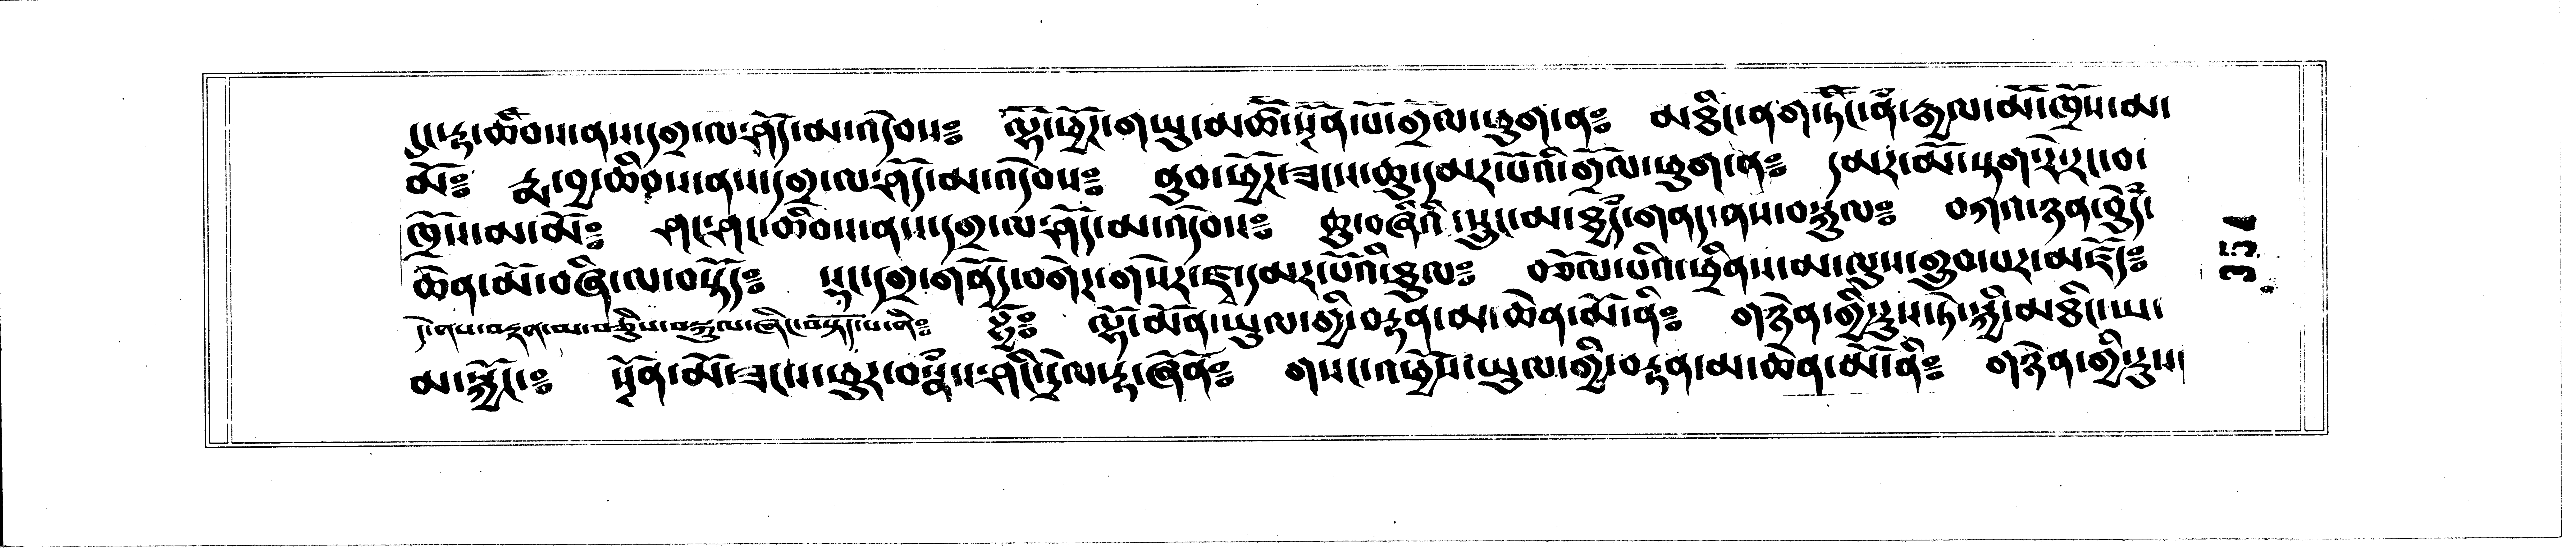དུང་རྟ་ཆིབས་ནས་དགྲ་ལ་ཤོད་མ་འདེབས༔ ལྷོ་ཕྱོགས་གཡུ་མཚོ་སྔོན་པོ་གྲོལ་ཕུག་ན༔ མཐིང་ནག་རིང་ནམ་རྒྱལ་མོ་ཁྲོས་མ་
མོ༔ རྨ་བྱ་ཆིབས་ནས་དགྲ་ལ་ཤོད་མ་འདེབས༔ ནུབ་ཕྱོགས་ཟངས་ཆུ་དམར་པོའི་གྲོལ་ཕུག་ན༔ དམར་མོ་སྟག་རི་རོང་བ་
ཁྲོས་མ་མོ༔ ཤང་ཤང་ཆིབས་ནས་དགྲ་ལ་ཤོད་མ་འདེབས༔ ཆུ་བཞིའི་སྲུང་མ་ཐམས་ཅད་གནད་ནས་བསྐུལ༔ བཀའ་ཉན་བུད་མེད་
ཆེན་མོ་བཞི་ལ་བསྟོད༔ སྡང་དགྲ་གནོད་བགེགས་གསེར་ཛྭ་དམར་པོའི་ཐུལ༔ བཅོལ་པའི་ཕྲིན་ལས་མ་ལུས་གྲུབ་པར་མཛོད༔ 
དེ་ནས་བརྟན་མ་བཅུ་གཉིས་བསྐུལ་ཞིང་བསྟོད་པ་ནི༔ བྷྱོ༔ ལྷོ་མོན་ཡུལ་གྱི་བརྟན་མ་ཆེན་མོ་ནི༔ གཉེན་གྱི་རུས་ཏེ་སྐྱི་མཐིང་ཡ་
མ་སྐྱོང་༔ སྔོན་མོ་ཟངས་ཕུར་བསྣམས་ཤིང་དྲེལ་རྟ་ཞོན༔ གསང་འཕྱོས་ཡུལ་གྱི་བརྟན་མ་ཆེན་མོ་ནི༔ གཉེན་གྱི་རུས་